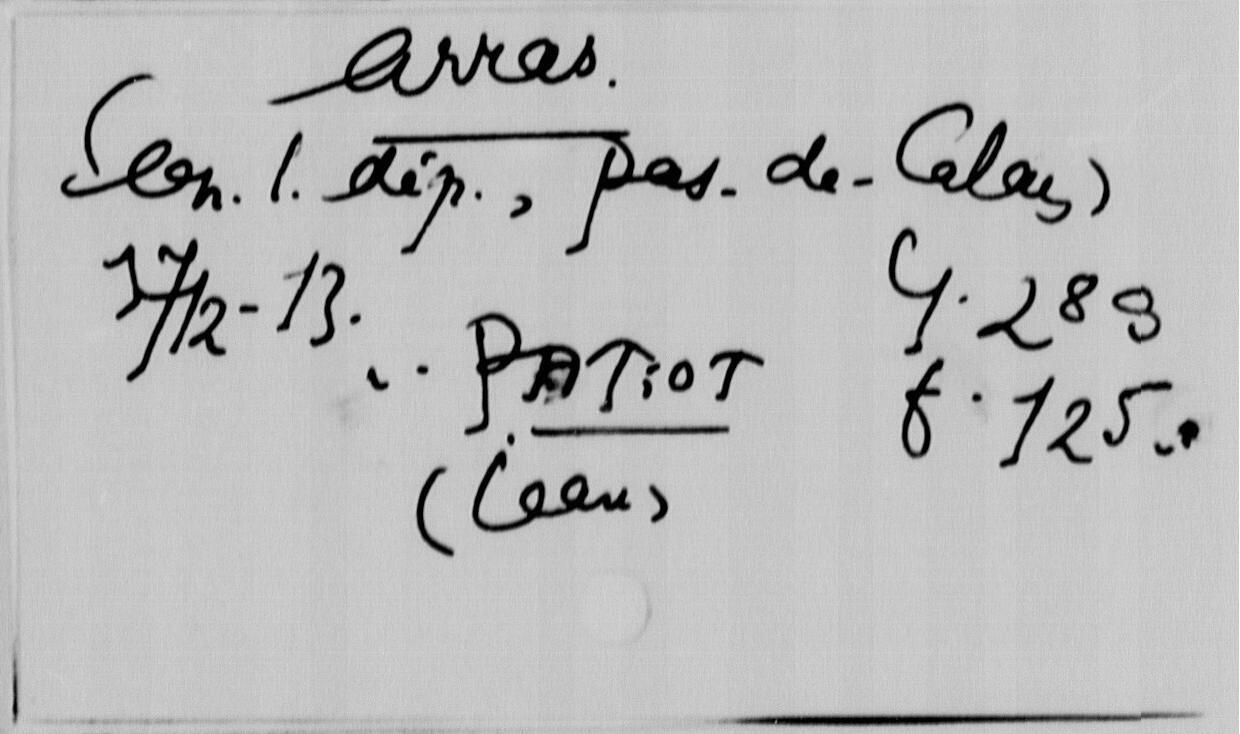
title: ARRAS (chef-lieu de département, département du Pas-de-Calais)
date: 1712-1713
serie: Y
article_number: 288
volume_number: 125v
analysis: Voir PATIOT (Jean)
